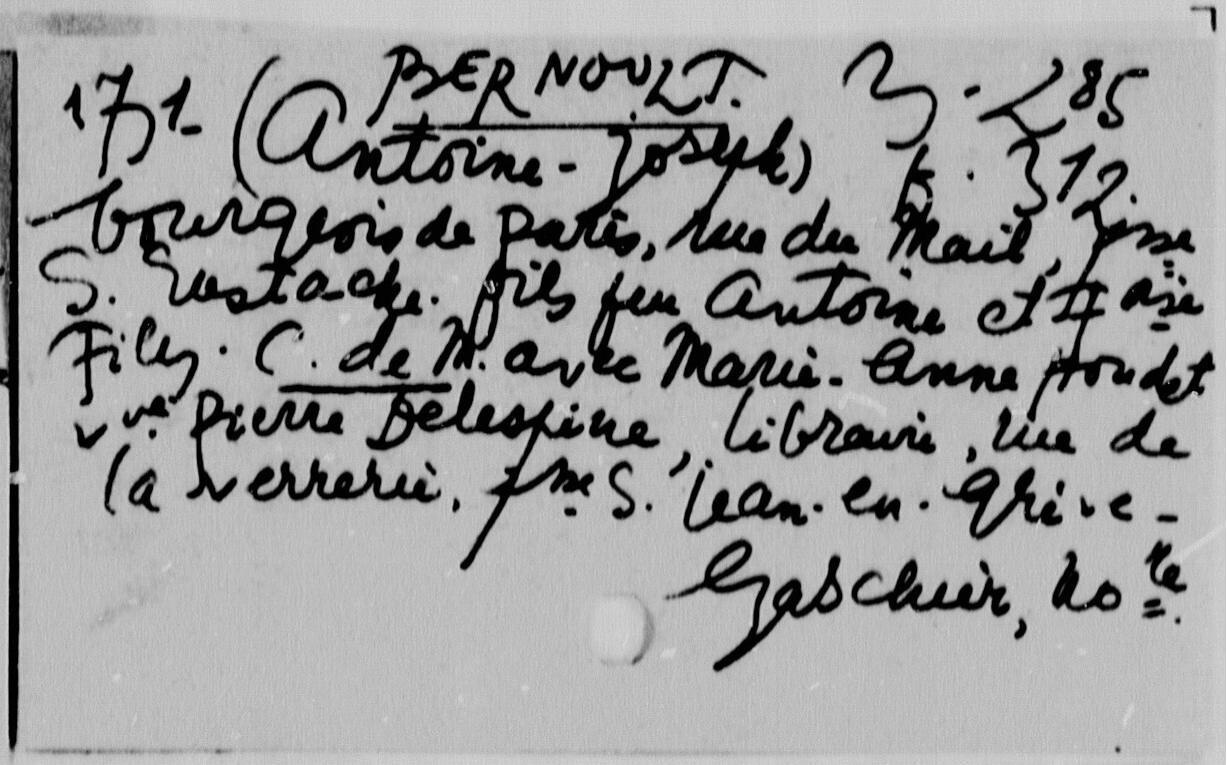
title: BERNOULT (Antoine-Joseph)
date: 1701
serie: Y
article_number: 285
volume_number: fol. 312
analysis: Bourgeois de Paris, rue du Mail, paroisse Saint-Eustache. Fils feu Antoine et Héloïse Fily. Contrat de mariage avec Marie-Anne Houdet Veuve Pierre Delespine, libraire, rue de la Verrerie, paroisse Saint-Jean-en-Grève. Gaschier, notaire.
